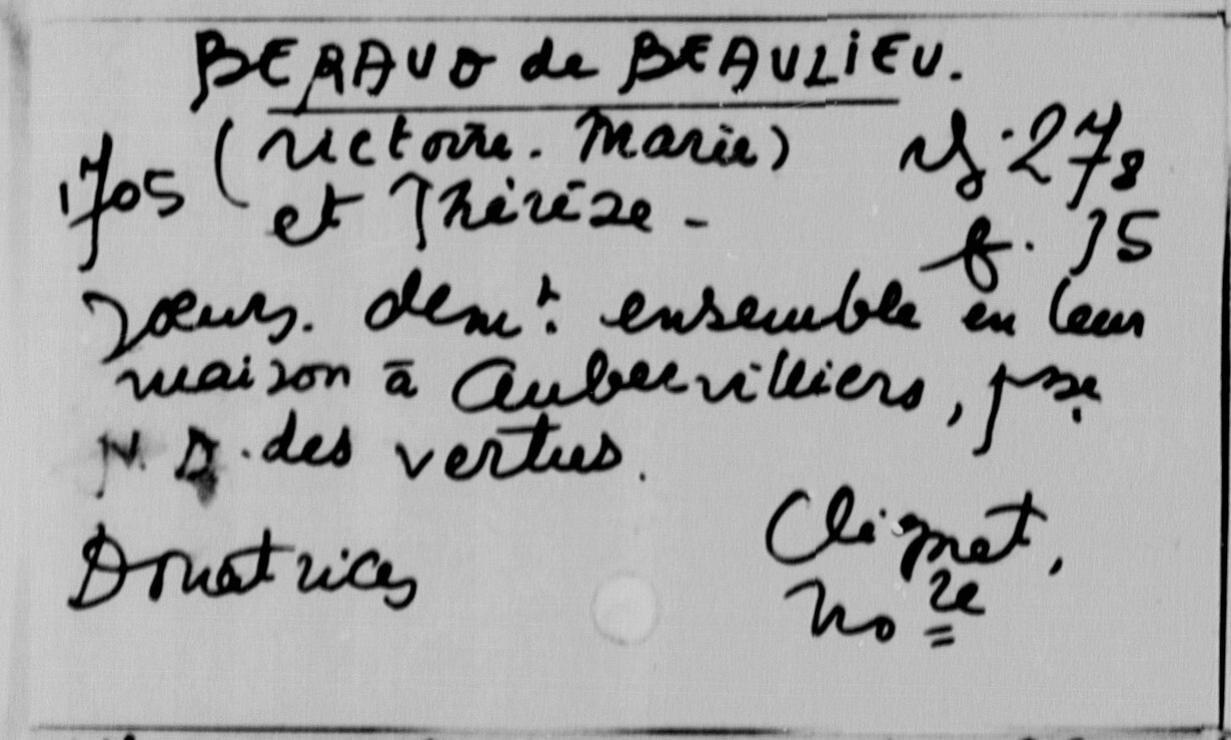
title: BERAUD de BEAULIEU (Victoire-Marie)
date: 1705
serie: Y
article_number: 278
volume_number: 15
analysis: Sœurs demeurant ensemble en leur maison à Aubervilliers, paroisse Notre-Dame des Vertus. Donatrices Clignet, notaire
